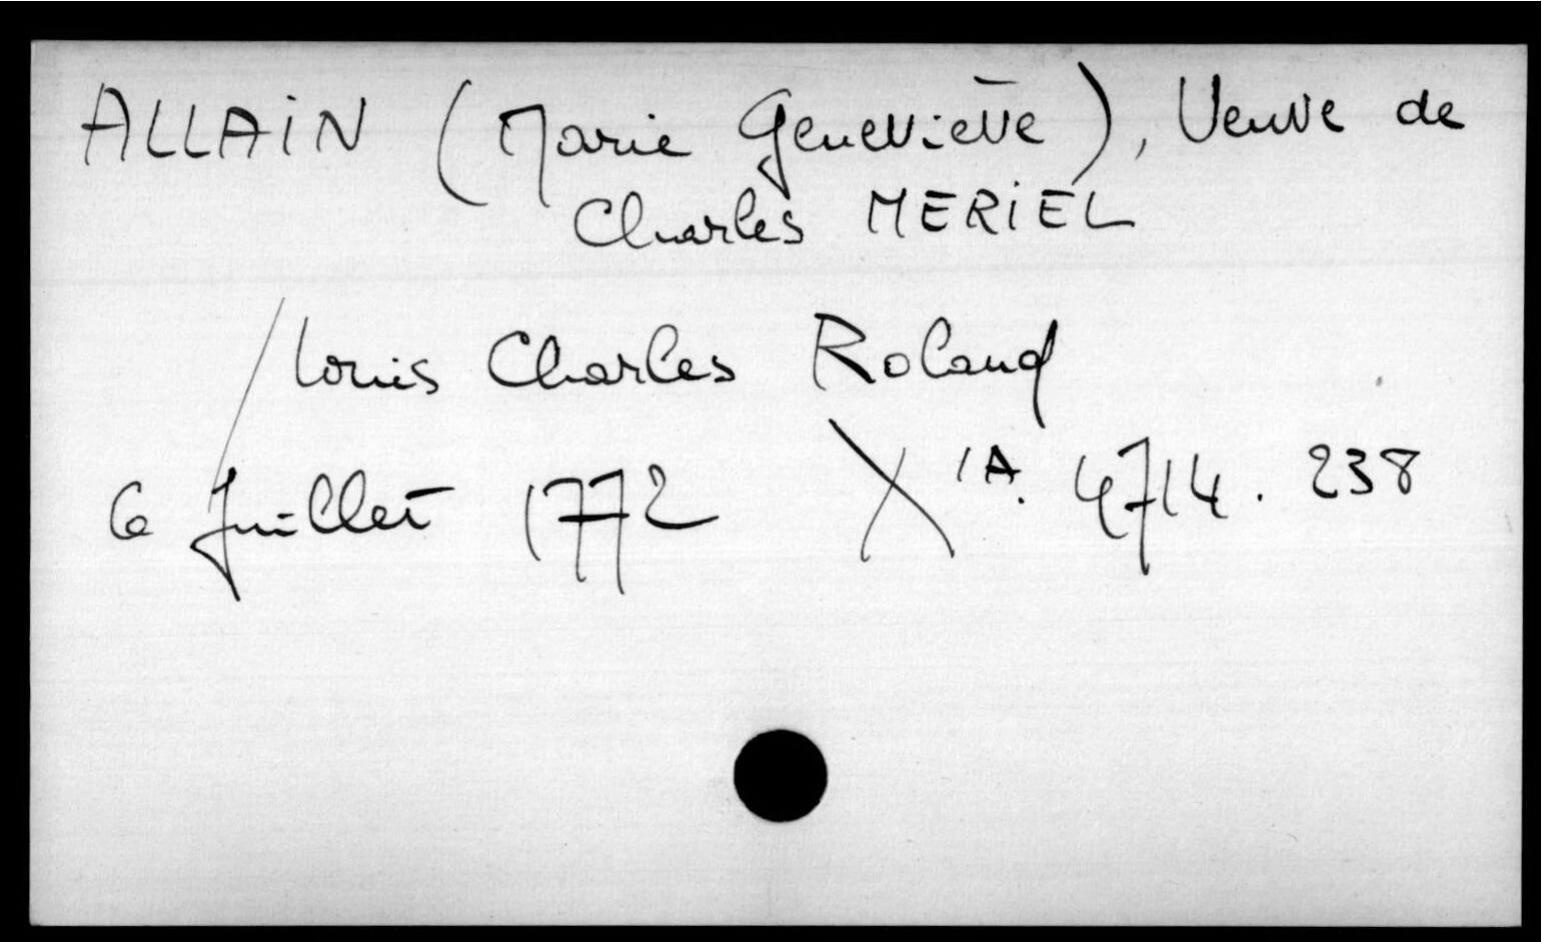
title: ALLAIN (Marie Geneviève), Veuve de Charles MERIEL
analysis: Contre Louis Charles Roland
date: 6 juillet 1772
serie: X1A
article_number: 4714
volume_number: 238
